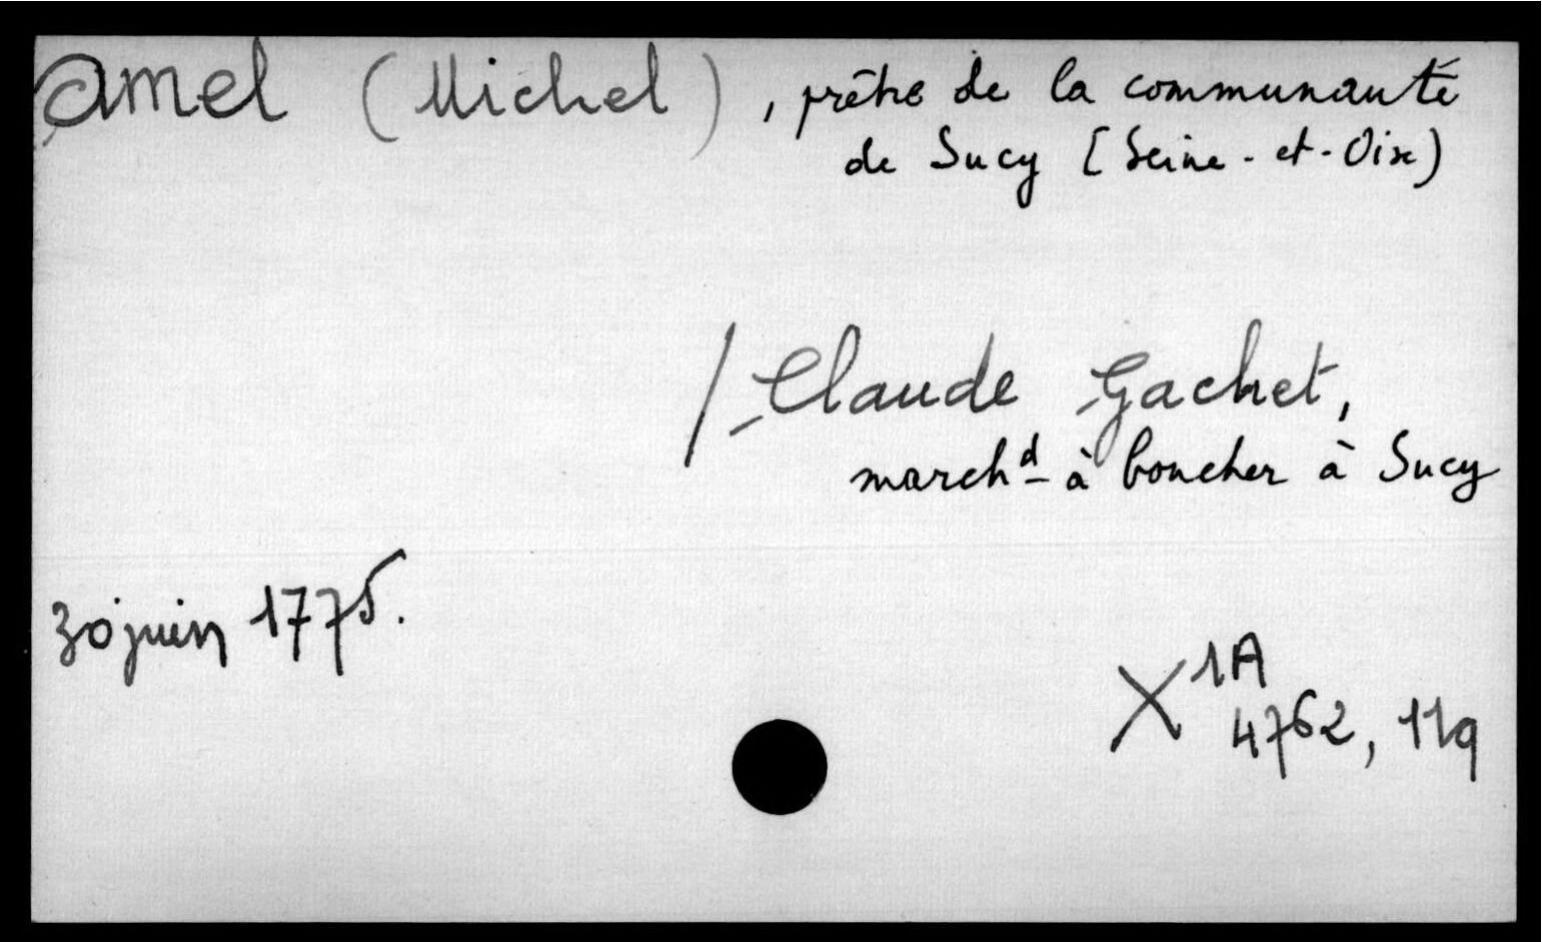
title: AMEL (Michel), prêtre de la communauté de Sucy [Seine-et-Oise]
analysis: Contre Claude Gachet, marchand à buncher à Sucy
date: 30 juin 1775
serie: X1A
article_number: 4762
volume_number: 119
